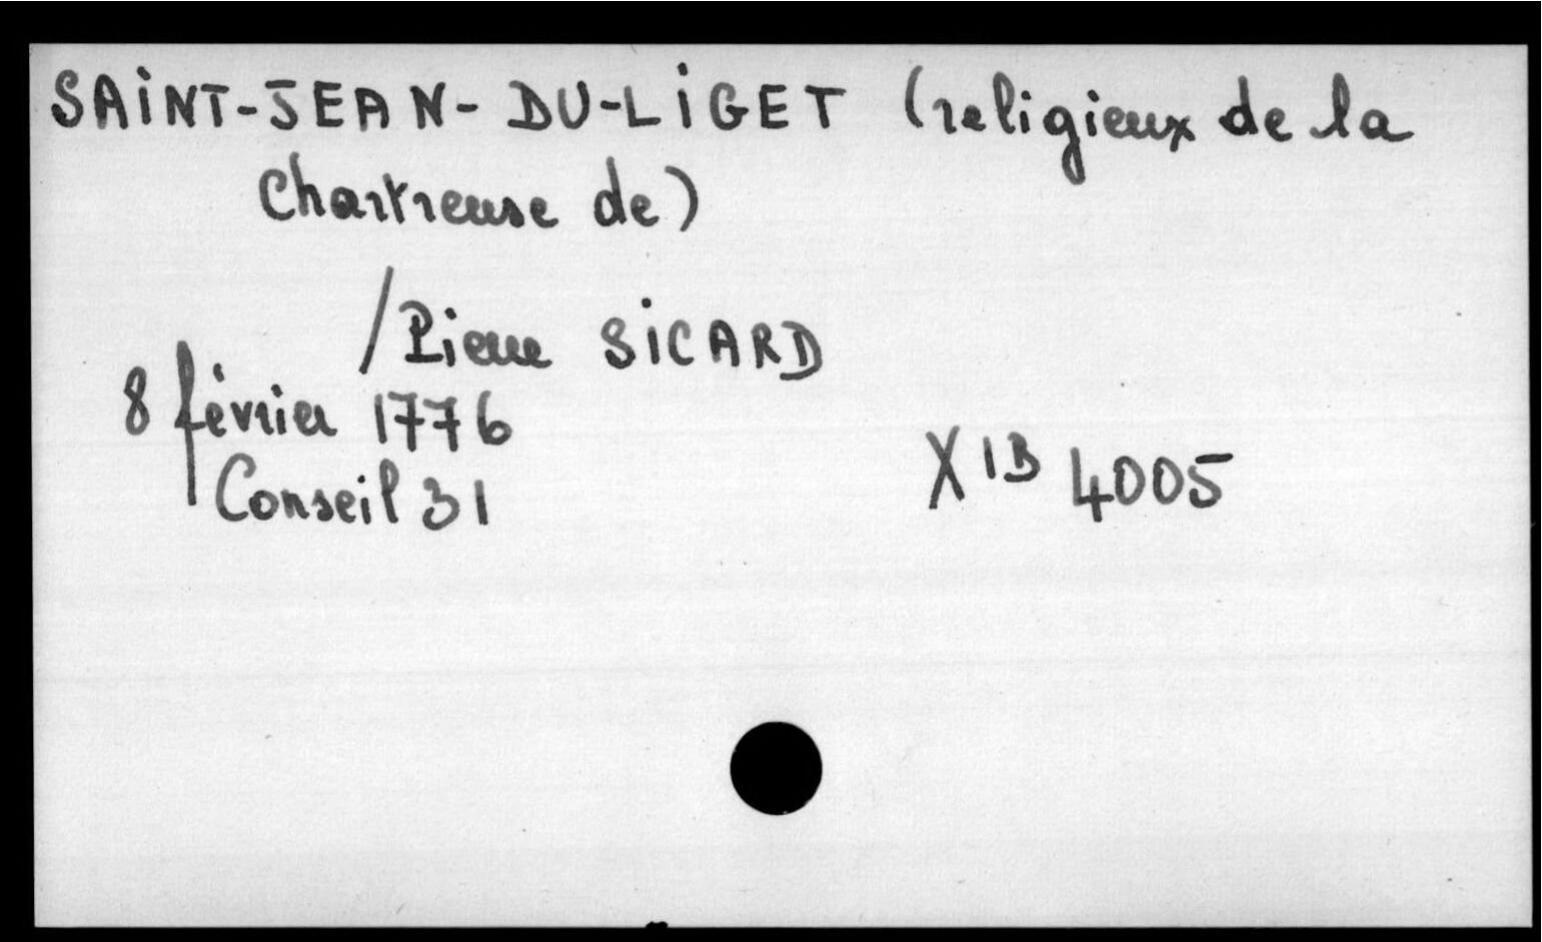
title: SAINT-JEAN-DU-LIGET (religieux de la chartreuse de)
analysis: Contre Pierre SICARD
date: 8 février 1776
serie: X1B
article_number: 4005
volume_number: Conseil 31
